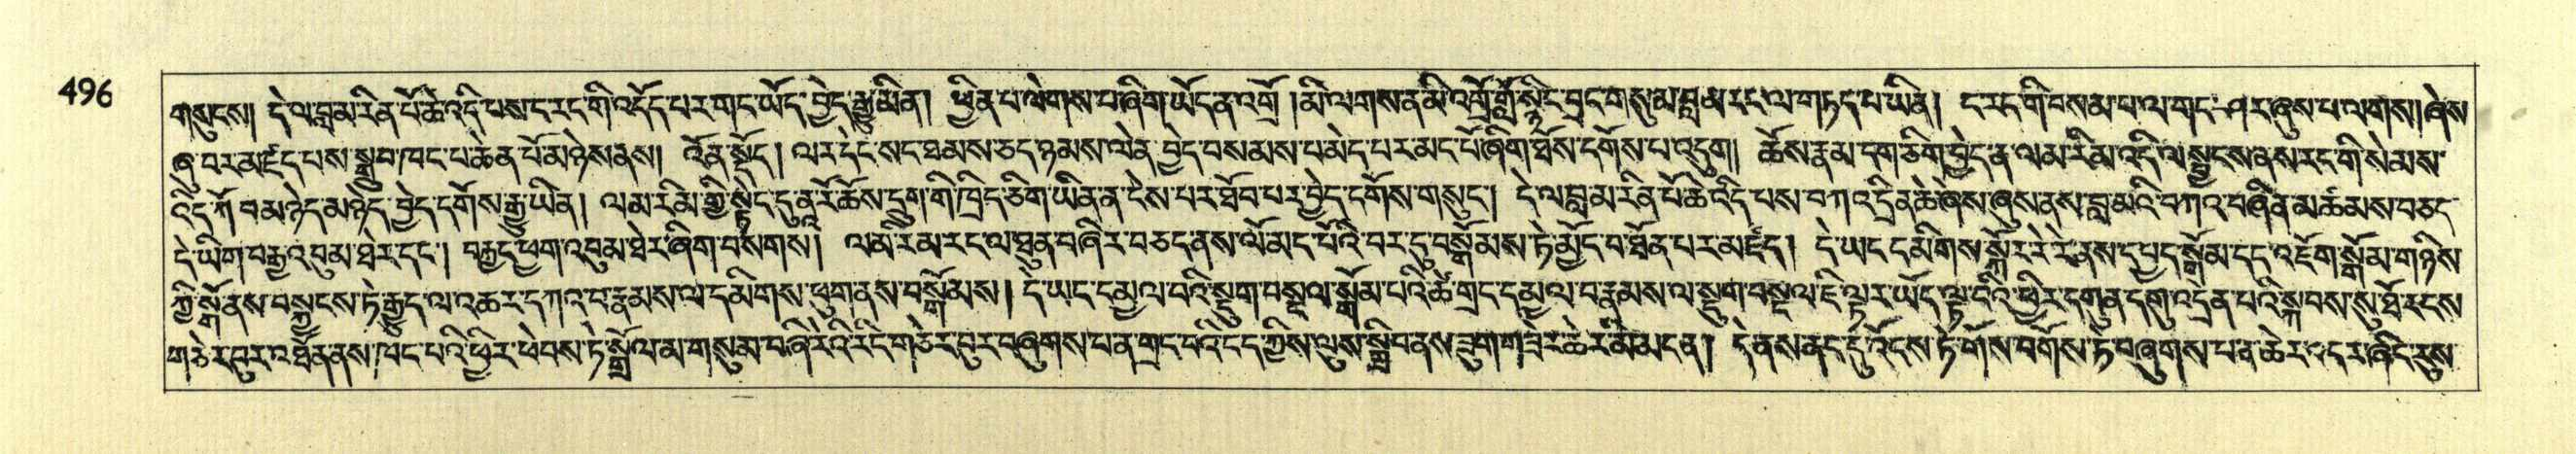གསུངས། དེ་ལ་བླ་མ་རིན་པོ་ཆེ་འདི་པས་རང་གི་འདོད་པར་གང་ཡོད་བྱེད་རྒྱུ་མིན། ཕྱིན་པ་ལེགས་པ་ཞིག་ཡོད་ན་འགྲོ། །མི་ལགས་ན་མི་འགྲོ་གློ་སྙིང་བྲང་གསུམ་བླ་མ་རང་ལ་གཏད་པ་ཡིན། ང་རང་གི་བསམ་པ་ལ་གང་ཤར་ཞུས་པ་ལགས། ཞེས་
ཞུ་བར་མཛད་པས་སྒྲུབ་ཁང་པ་ཆེན་པོ་མཉེས་ནས། འོན་སྡོད། ལར་དེང་སང་ཐམས་ཅད་ཉམས་ལེན་བྱེད་བསམས་པ་མེད་པར་མང་པོ་ཞིག་ཐོས་དགོས་པ་འདུག། ཆོས་རྣམ་དག་ཅིག་བྱེད་ན་ལམ་རིམ་འདི་ལ་སྦྱངས་ཞས་རང་གི་སེམས་
འདི་ཀོ་བ་མཉེད་མཉེད་བྱེད་དགོས་རྒྱུ་ཡིན། ལམ་རིམ་གྱི་སྟེང་དུ་ནཱ་རོ་ཆོས་དྲུག་གི་ཁྲིད་ཅིག་ཡིན་ན་ངེས་པར་ཐོབ་པར་བྱེད་དགོས་གསུང་། དེ་ལ་བླ་མ་རིན་པོ་ཆེ་འདི་པས་བཀའ་དྲིན་ཆེ་ཞེས་ཞུས་ནས་བླ་མའི་བཀའ་བཞིན་མཚམས་བཅད་
དེ་ཡིག་བརྒྱ་འབུམ་ཐེར་དང་། བརྐྱང་ཕྱག་འབུམ་ཐེར་ཞིག་བསགས། ལམ་རིམ་རང་ལ་ཐུན་བཞིར་བཅད་ནས་ལོ་མང་པོའི་བར་དུ་བསྒོམས་ཏེ་མྱོང་བ་ཐོན་པར་མཛད། དེ་ཡང་དམིགས་སྐོར་རེ་རེ་ནས་དཔྱད་སྒོམ་དང་འཇོག་སྒོམ་གཉིས་
ཀྱི་སྒོ་ནས་བསྐྱངས་ཏེ་རྒྱུད་ལ་འཆར་དཀའ་བ་རྣམས་ལ་དམིགས་ཨཕུག་ནས་བསྒོམས། དེ་ཡང་དམྱལ་བའི་སྡུག་བསྔལ་སྒོམ་པའི་ཚེ་གྲང་དམྱལ་བ་རྣམས་ལ་སྡུག་བསྔལ་ཇི་ལྟར་ཡོད་ལྟ་བའི་ཕྱིར་དགུན་དགུ་འདྲེན་པའི་སྐབས་སུ་ཐོ་རངས་
གཅེར་བུར་འཐོན་ནས་ཁང་པའི་ཕྱིར་ཕེབས་ཏེ་སྒྲོལ་མ་གསུམ་བཞི་རེའི་རིང་གཅེར་བུར་བཞུགས་པ་ན་གྲང་བའི་ངད་ཀྱིས་ལུས་སྒྲིབ་ནས་ཟུག་གཟེར་ཆེར་མི་མངན། དེ་ནས་ནང་དུ་འོངས་ཏེ་གོས་བགོས་ཏེ་ཡྦྮུགས་པ་ན་ཆེར་འདར་ཞིང་རུས།